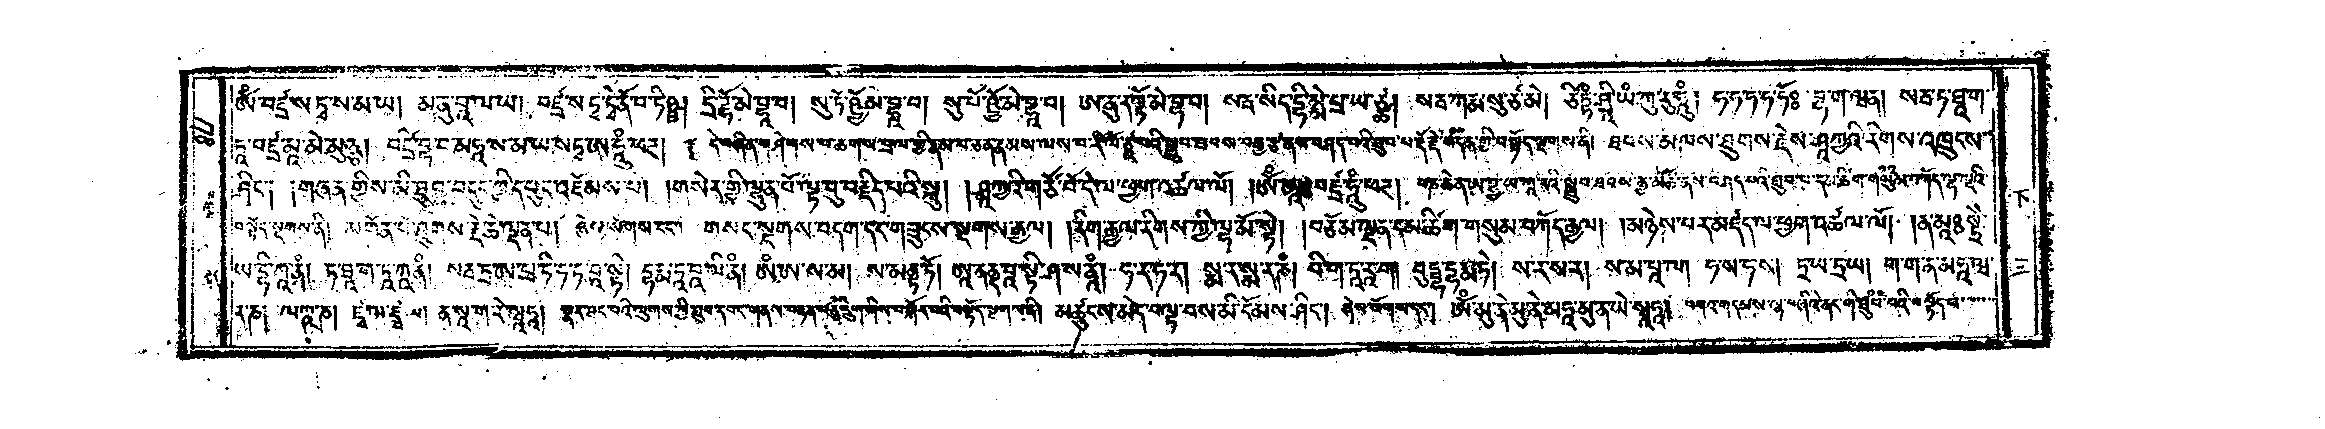ཨོཾ་བཛྲ་སཏྭ་ས་མ་ཡ། མ་ནུ་པཱ་ལ་ཡ། བཛྲ་སཏྭ་ཏྭེ་ནོ་པ་ཏིཥཊཿཨ། དྲི་ཌྷོ་མེ་བྷཱ་བ། སུ་ཏོ་ཥྱོ་མེ་བྷཱ་བ། སུ་པོ་ཥྱོ་མེ་བྷཱ་བ། སུ་པོ་ཥྱོ་མེ་བྷཱ་བ། ཨ་ནུ་རཀྟོ་མེ་བྷ་བ། སརྦ་སི་ད་དྷི་མྨེ་པྲ་ཡ་ཙྪ། སརྦ་ཀརྨ་སུ་ཙ་མེ། ཙིཏྟཾ་ཤྲཱི་ཡཾ་ཀུ་རུ་ཧཱུཾ། ཧ་ཧ་ཧ་ཧ་ཧོཿ བྷ་ག་ཝན། སརྦ་ཏ་ཐཱ་ག་
ཏཱ་བཛྲ་མཱ་མེ་མུཉྩ། བཛྲི་བྷ་བ་མཧཱ་ས་མ་ཡ་སཏྭ་ཨ་ཧཱུཾ་ཕཊ། ༈ དེ་བཞིན་གཤེགས་པ་ཆགས་བྲལ་གྱི་རྣམ་པ་ཅན་རྣམས་ལས་བ་རི་ལོ་ཙཱ་བའི་སྒྲུབ་ཐབས་བརྒྱ་རྩ་ནས་བཤད་པའི་ཐུབ་པ་རྡོ་རྗེ་གདན༡༡་གྱི་བསྟོད་སྔགས་ནི། ཐབས་མཁས་ཐུགས་རྗེས་ཤཱཀྱའི་རིགས་འཁྲུངས་
ཤིང༑ ༑གཞན་གྱིས་མི་ཐུབ་བདུད་ཀྱི་དཔུང་འཇོམས་པ། །གསེར་གྱི་ལྷུན་པོ་ལྟ་བུ་བརྗིད་པའི་སྐུ། །ཤཱཀྱའི་གཙོ་བོ་དེ་ལ་ཕྱག་འཚལ་ལོ། །ཨོཾ་ཨཱཿབཛྲ་ཧཱུཾ་ཕཊ། པཎ་ཆེན་ཨ་བྷྱ་ཡ་ཀཱ་རའི་སྒྲུབ་ཐབས་རྒྱ་མཚོ་ནས་བཤད་པའི་ཐུབ་པ་དམ་ཚིག་གསུམ༡༢་བཀོད་ལྷ་ལྔའི་
བསྟོད་སྔགས་ནི། མགོན་པོ་ཐུགས་རྗེ་ཆེ་ལྡན་པ། ཞེས་སོགས་དང་། གསང་སྔགས་བདག་དང་གཟུངས་སྔགས་རྒྱལ། །རིག་རྒྱལ་རིགས་ཀྱི་ལྷ་མོ་སྟེ། །བཅོམ་ལྡན་དམ་ཚིག་གསུམ་བཀོད་རྒྱལ། །མཉེས་པར་མཛད་ལ་ཕྱག་འཚལ་ལོ། །ན་མཱཿསྟྲཻ་
ཡ་དྷི་ཀཱ་ནཾ། ཏ་ཐཱ་ག་ཏཱ་ཀཱ་ནཾ། སརྦ་ཏྲ་ཨ་པྲ་ཏི་ཧ་ཧ་བཱ་སྟི། དྷརྨ་ཏཱ་བཱ་ལི་ནཾ། ཨཾ་ཨ་ས་མ། ས་མནྟ་ཏོ། ཨཱ་ནནྡ་བཱ་སྟི་ཤ་ས་ནཱཾ། ཧ་ར་ཧ་ར། སྨ་ར་སྨ་ར་ཎཾ། བི་ག་ཏཱ་རཱ་ག། བུདྡྷ་དྷརྨ་ཏེ། ས་ར་ས་ར། ས་མ་པཱ་ལ། ཧ་ས་ཧ་ས། ཏྲ་ཡ་ཏྲ་ཡ། ག་ག་ན་མཧཱ་ཝ་
ར་ཎ༑ ལཀྵ་ཎ། ཛྭ་ལ་ཛྭ་ལ། ན་སཱ་ག་རེ་སྭཱཧཱ། སྣར་ཐང་བའི་ལུགས་ཀྱི་ཐུབ་དབང་གནས་བརྟན་བཅུ་དྲུག༡༣་གིས་བསྐོར་བའི་བསྟོད་སྔགས་ནི། མཚུངས་མེད་བལྟ་བས་མི་ངོམས་ཤིང་། ཞེས་སོགས་དང་།  ཨོཾ་མུ་ནེ་མུ་ནེ་མཧཱ་མུ་ན་ཡེ་སྭཱཧཱ། བཀའ་གདམས་ལྷ་བཞིའི་ནང་གི་ཐུབ༡༤?་པའི་བསྟོན་པ